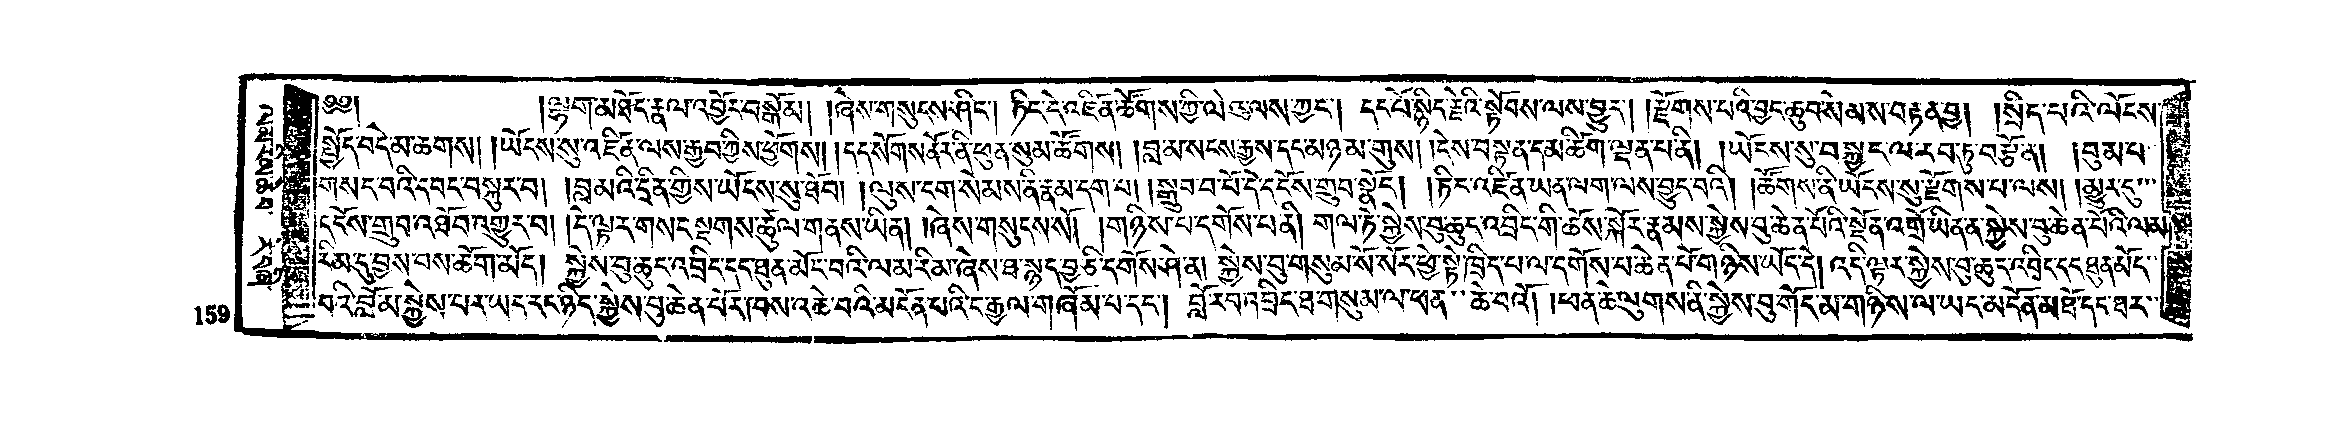༄༅། །ལྷག་མཐོང་རྣལ་འབྱོར་བསྒོམ། །ཞེས་གསུངས་ཤིང་། ཏིང་ངེ་འཛིན་ཚོགས་ཀྱི་ལེའུ་ལས་ཀྱང་། དང་པོ་སྙིང་རྗེའི་སྟོབས་ལས་བྱུང་། །རྫོགས་པའི་བྱང་ཆུབ་སེམས་བརྟན་བྱ། །སྲིད་པའི་ལོངས་
སྤྱོད་བདེ་མ་ཆགས། །ཡོངས་སུ་འཛིན་ལས་རྒྱབ་ཀྱིས་ཕྱོགས། །དད་སོགས་ནོར་ནི་ཕུན་སུམ་ཚོགས། །བླ་མ་སངས་རྒྱས་དང་མཉམ་གུས། །དེས་བསྟན་དམ་ཚིག་ལྡན་པ་ནི། །ཡོངས་སུ་བསྐྱང་ལ་རབ་ཏུ་བརྩོན། །བུམ་པ་
གསང་བའི་དབང་བསྐུར་བ། །བླ་མའི་དྲིན་གྱིས་ཡོངས་སུ་ཐོབ། །ལུས་ངག་སེམས་ནི་རྣམ་དག་པ། །སྒྲུབ་པ་པོ་དེ་དངོས་གྲུབ་སྣོད། །ཏིང་འཛིན་ཡན་ལག་ལས་བྱུང་བའི། །ཚོགས་ནི་ཡོངས་སུ་རྫོགས་པ་ལས། །མྱུར་དུ་
དངོས་གྲུབ་འཐོབ་འགྱུར་བ། །དེ་ལྟར་གསང་སྔགས་ཚུལ་གནས་ཡིན། །ཞེས་གསུངས་སོ། །གཉིས་པ་དགོས་པ་ནི། གལ་ཏེ་སྐྱེས་བུ་ཆུང་འབྲིང་གི་ཆོས་སྐོར་རྣམས་སྐྱེས་བུ་ཆེན་པོའི་སྔོན་འགྲོ་ཡིན་ན་སྐྱེས་བུ་ཆེན་པོའི་ལམ་
རིམ་དུ་བྱས་པས་ཆོག་མོད། སྐྱེས་བུ་ཆུང་འབྲིང་དང་ཐུན་མོང་བའི་ལམ་རིམ་ཞེས་ཐ་སྙད་བྱ་ཅི་དགོས་ཤེ་ན། སྐྱེས་བུ་གསུམ་སོ་སོར་ཕྱེ་སྟེ་ཁྲིད་པ་ལ་དགོས་པ་ཆེན་པོ་གཉིས་ཡོད་དེ། འདི་ལྟར་སྐྱེས་བུ་ཆུང་འབྲིང་དང་ཐུན་མོང་
བའི་བློ་མ་སྐྱེས་པར་ཡང་རང་ཉིད་སྐྱེས་བུ་ཆེན་པོར་ཁས་འཆེ་བའི་མངོན་པའི་ང་རྒྱལ་གཞོམ་པ་དང་། བློ་རབ་འབྲིང་ཐ་གསུམ་ལ་ཕན་ཆེ་བའོ། །ཕན་ཆེ་ལུགས་ནི་སྐྱེས་བུ་གོང་མ་གཉིས་ལ་ཡང་མངོན་མཐོ་དང་ཐར་